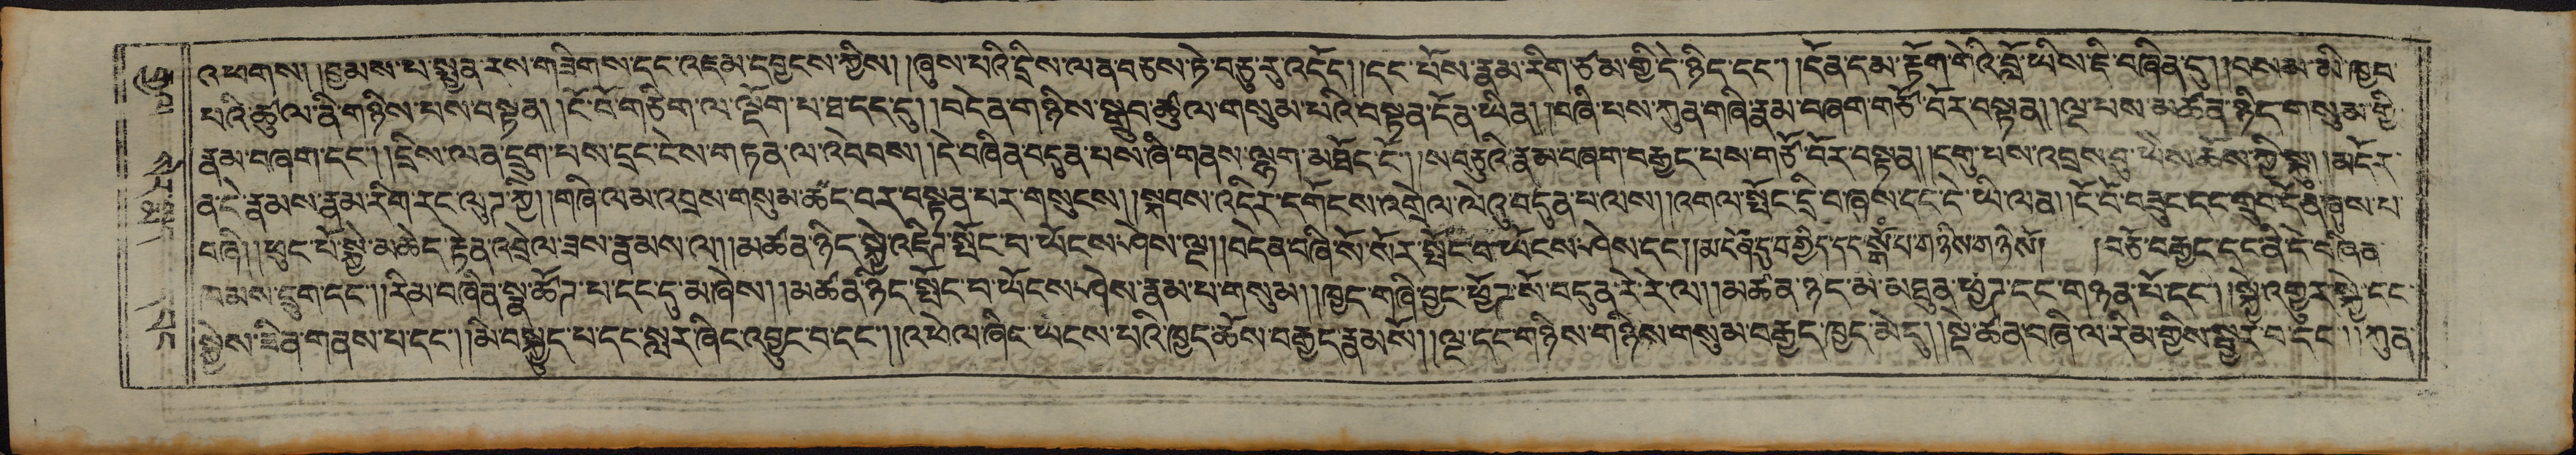འཕགས། །བྱམས་པ་སྤྱན་རས་གཟིགས་དང་འཇམ་དབྱངས་ཀྱིས། །ཞུས་པའི་དྲིས་ལན་བཅས་ཏེ་བཅུ་རུ་འདོད། །དང་པོས་རྣམ་རིག་ཙམ་གྱི་དེ་ཉིད་དང་། །དོན་དམ་རྟོག་གེའི་བློ་ཡིས་ཇི་བཞིན་དུ། །བསམ་མི་ཁྱབ་
པའི་ཚུལ་ནི་གཉིས་པས་བསྟན། །ངོ་བོ་གཅིག་ལ་ལྡོག་པ་ཐ་དད་དུ། །བདེན་གཉིས་སྒྲུབ་ཚུལ་གསུམ་པའི་བསྟན་དོན་ཡིན། །བཞི་པས་ཀུན་གཞི་རྣམ་བཞག་གཙོ་བོར་བསྟན། །ལྔ་པས་མཚན་ཉིད་གསུམ་གྱི་
རྣམ་བཞག་དང་། །དྲིས་ལན་དྲུག་པས་དྲང་ངེས་གཏན་ལ་འབེབས། །དེ་བཞིན་བདུན་པས་ཞི་གནས་ལྷག་མཐོང་ངོ། །ས་བཅུའི་རྣམ་བཞག་བརྒྱད་པས་གཙོ་བོར་བསྟན། །དགུ་པས་འབྲས་བུ་ཡེ་ཤེས་ཆོས་ཀྱི་སྐུ། །མདོར་
ན་དེ་རྣམས་རྣམ་རིག་རང་ལུགས་ཀྱི། །གཞི་ལམ་འབྲས་གསུམ་ཚང་བར་བསྟན་པར་གསུངས། །སྐབས་འདིར་དགོངས་འགྲེལ་ལེའུ་བདུན་པ་ལས། །འགལ་སྤོང་དྲི་བ་ཞུས་དང་དེ་ཡི་ལན། །ངོ་བོ་བཟུང་དང་གྲུབ་དོན་ཞུས་པ་
བཞི། །ཕུང་པོ་སྐྱེ་མཆེད་རྟེན་འབྲེལ་ཟས་རྣམས་ལ། །མཚན་ཉིད་སྐྱེ་འཇིག་སྤོང་བ་ཡོངས་ཤེས་ལྔ། །བདེན་བཞི་སོ་སོར་སྤོང་བ་ཡོངས་ཤེས་དང་། །མངོན་དུ་བགྱིད་དང་སྒོམ་པ་གཉིས་གཉིས་སོ། །བཅོ་བརྒྱད་དང་ནི་དེ་བཞིན་
བསམ་དྲུག་དང་། །རིམ་བཞིན་སྣ་ཚོགས་པ་དང་དུ་མ་ཞེས། །མཚན་ཉིད་སྤོང་བ་ཡོངས་ཤེས་རྣམ་པ་གསུམ། ཁྱད་གཞི་བྱང་ཕྱོགས་སོ་བདུན་རེ་རེ་ལ། །མཚན་ཉིད་མི་མཐུན་ཕྱོགས་དང་གཉེན་པོ་དང་། །སྐྱེ་འགྱུར་སྐྱེ་དང་
སྐྱེས་ཟིན་གནས་པ་དང་། །མི་བསྐྱུད་པ་དང་སླར་ཞིང་འབྱུང་བ་དང་། །འཕེལ་ཞིང་ཡངས་པའི་ཁྱད་ཆོས་བརྒྱད་རྣམས་སོ། །ལྔ་དང་གཉིས་གཉིས་གསུམ་བརྒྱད་ཁྱད་མེད་དུ། །སྡེ་ཚན་བཞི་ལ་རིམ་གྱིས་སྦྱར་བ་དང་། །ཀུན་